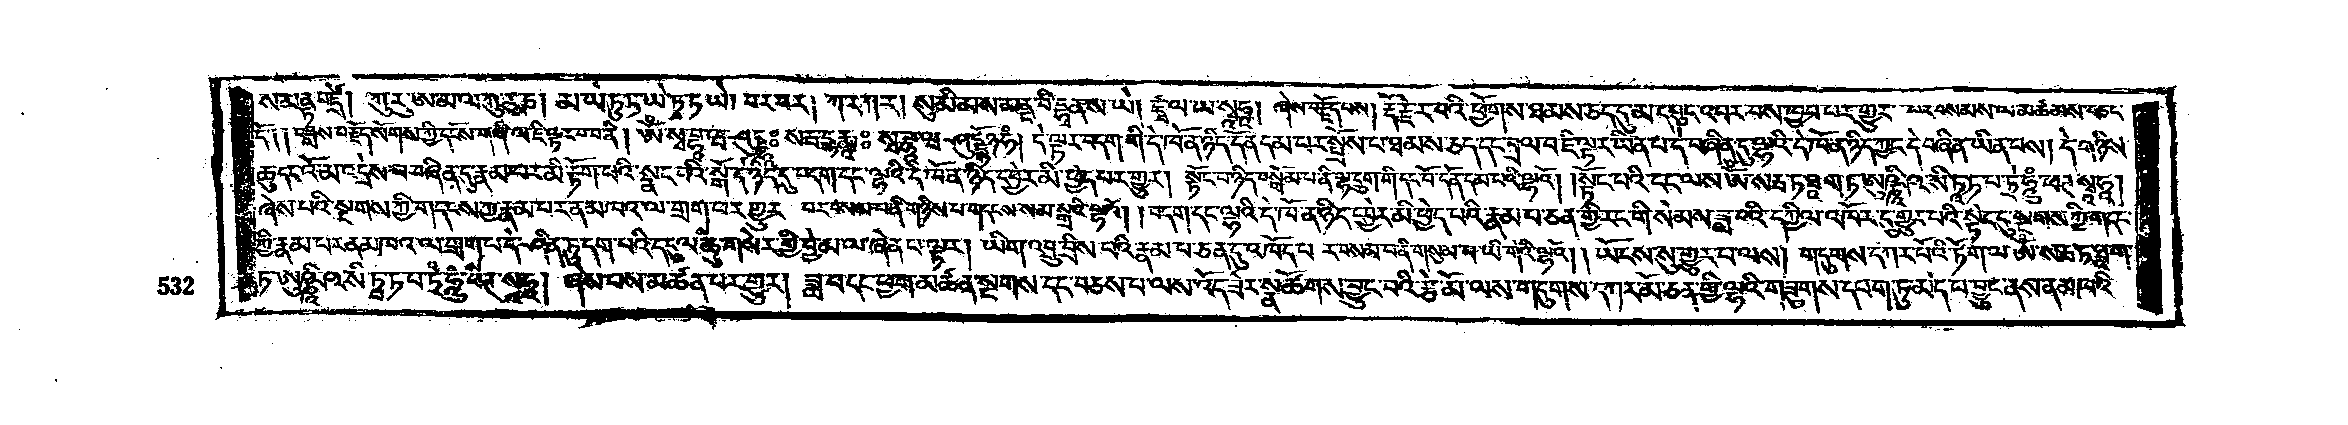ས་མནྟ་བཛྲ། ཀུ་རུ་ཨ་མ་ལ་ཀུ་རུ་ཎ། མ་ཡེ་ཏུ་ཏ་ཡེ་ཏུ་ཏ་ཡེ། པ་ར་པ་ར། ཀ་ར་ཀ་ར། སུ་མཾ་མས་ནནྟ་བི་དྷྭན་ས་ཡེ། ཛྭ་ལ་ཡ་སྭཱཧཱ། ཞེས་བརྗོད་པས། རྡོ་རྗེ་ར་བའི་ཕྱོགས་ཐམས་ཅད་དུ་མེ་དཔུང་འབར་བས་ཁྱབ་པར་གྱུར་པར་བསམས་ལ་མཚམས་བཅིང་
ངོ། །བཟླས་བརྗོད་སོགས་ཀྱི་དངོས་གཞི་ལ་ཇི་ལྟར་བྱ་བ་ནི། ཨོཾ་སྭ་བྷཱ་ཝ་ཤུདྡྷཱཿ སརྦ་དྷརྨཱཿ སྭབྷཱ་ཝ་ཤུདྡྷོཉྷཾ། དེ་ལྟར་བདག་གི་དེ་ཁོ་ན་ཉིད་དོན་དམ་པར་སྤྲོས་པ་ཐམས་ཅད་དང་བྲལ་བ་ཇི་ལྟར་ཡིན་པ་དེ་བཞིན་དུ་ལྷའི་དེ་ཁོ་ན་ཉིད་ཀྱང་དེ་བཞིན་ཡིན་པས། དེ་གཉིས་
ཆུ་དང་འོ་མ་འདྲེས་པ་བཞིན་དུ་རྣམ་པར་མི་རྟོག་པའི་སྣང་བའི་སྒོ་དེ་ཉིད་དུ་བདག་དང་ལྷའི་དེ་ཁོ་ན་ཉིད་དབྱེར་མི་ཕྱེད་པར་གྱུར། སྟོང་པ་ཉིད་བསྒོམ་པ་ནི་ལྷ་དྲུག་གི་དང་པོ་དོན་དམ་པའི་ལྷའོ། །སྟོང་པའི་ངང་ལས་ཨོཾ་སརྦ་ཏ་ཐཱ་ག་ཏ་ཨུཥྞཱི་ཥ་སི་ཏཱ་ཏ་པ་ཏྲེ་ཧཱུཾ་ཕཊ་སྭཱཧཱ།
ཞེས་པའི་སྔགས་ཀྱི་གདངས་ཀྱི་རྣམ་པར་ནམ་མཁའ་ལ་གྲགས་པར་གྱུར་པར་བསམ་པ་ནི་གཉིས་པ་གདངས་སམ་སྒྲའི་ལྷའོ། །བདག་དང་ལྷའི་དེ་ཁོ་ན་ཉིད་དབྱེར་མི་ཕྱེད་པའི་རྣམ་པ་ཅན་གྱི་རང་གི་སེམས་ཟླ་བའི་དཀྱིལ་འཁོར་དུ་གྱུར་པའི་སྟེང་དུ་སྔགས་ཀྱི་གདངས་
ཀྱི་རྣམ་པར་ནམ་མཁའ་ལ་གྲག་པ་དེ་ཤིན་ཏུ་དག་པའི་དངུལ་ཆུ་གསེར་གྱི་བྱེ་མ་ལ་ཞེན་པ་ལྟར། ཡིག་འབྲུ་བྲིས་པའི་རྣམ་པ་ཅན་དུ་འཁོད་པ་ར་བསམ་པ་ནི་གསུམ་པ་ཡི་གེའམ་ལྷའོ། །ཡོངས་སུ་གྱུར་པ་ལས། གདུགས་དཀར་པོའི་ཏོག་ལ་ཨོཾ་སརྦ་ཏ་ཐཱ་ག་
ཏ་ཨུཥྞཱི་ཥ་སི་ཏཱ་ཏ་པ་ཏྲཾ་ཧཱུཾ་ཕཊ། སྭཱཧཱ། ཞེས་པས་མཚན་པར་གྱུར། ཟླ་བ་དང་ཕྱག་མཚན་སྔགས་དང་བཅས་པ་ལས་འོད་ཟེར་སྣ་ཚོགས་བྱུང་བའི་རྩེ་མོ་ལས་གདུགས་དཀར་མོ་ཅན་གྱི་ལྷའི་གཟུགས་དཔག་ཏུ་མེད་པ་བྱུང་ནས་ནམ་མཁའ་